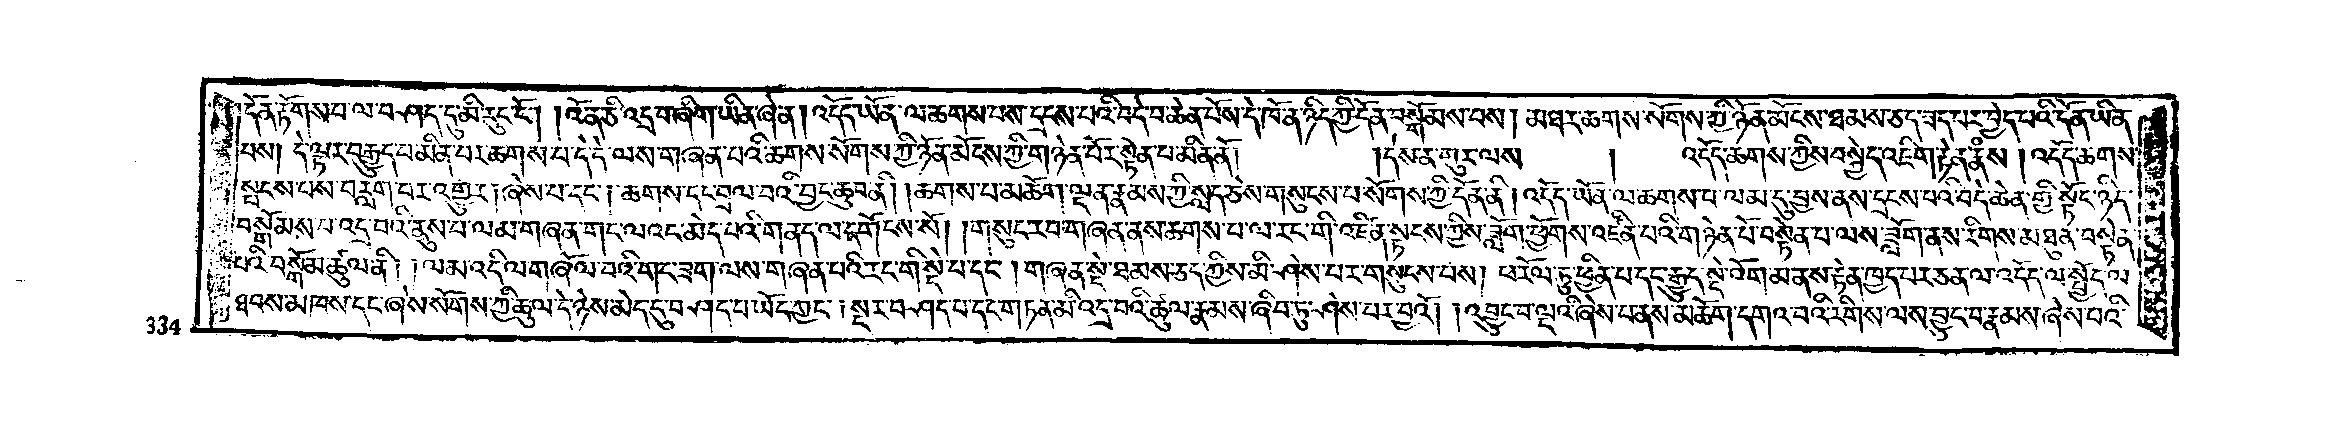དོན་རྟོགས་པ་ལ་བཤད་དུ་མི་རུང་ངོ། །འོ་ན་ཅི་འདྲ་བ་ཞིག་ཡིན་ཞེ་ན། འདོད་ཡོན་ལ་ཆགས་པས་དྲངས་པའི་བདེ་བ་ཆེན་པོས་དེ་ཁོ་ན་ཉིད་ཀྱི་དོན་བསྒོམས་པས། མཐར་ཆགས་སོགས་ཀྱི་ཉོན་མོངས་ཐམས་ཅད་ཟད་པར་བྱེད་པའི་དོན་ཡིན་
པས། དེ་ལྟར་བརྒྱུད་པ་མིན་པར་ཆགས་པ་དེ་དེ་ལས་གཞན་པའི་ཆགས་སོགས་ཀྱི་ཉོན་མོངས་ཀྱི་གཉེན་པོར་སྟེན་པ་མིན་ནོ། །དེས་ན་གུར་ལས། འདོད་ཆགས་ཀྱིས་བསྐྱེད་འཇིག་རྟེན་རྣམས། འདོད་ཆགས་
སྤངས་པས་བརླག་པར་འགྱུར། ཞེས་པ་དང་། ཆགས་དང་བྲལ་བའི་བྱང་ཆུབ་ནི། །ཆགས་པ་མཆོག་ལྡན་རྣམས་ཀྱི་སླད་ཅེས་གསུངས་པ་སོགས་ཀྱི་དོན་ནི། འདོད་ཡོན་ལ་ཆགས་པ་ལམ་དུ་བྱས་ནས་དྲངས་པའི་བདེ་ཆེན་གྱི་སྟོང་ཉིད་
བསྒོམས་པ་འདྲ་བའི་ནུས་པ་ལམ་གཞན་གང་ལའང་མེད་པའི་གནད་ལ་དགོངས་སོ། །གསུང་རབ་གཞན་ནས་ཆགས་པ་ལ་རང་གི་འཛིན་སྟངས་ཀྱིས་ཟློག་ཕྱོགས་འཛིན་པའི་གཉེན་པོ་བསྟེན་པ་ལས་ཟློག་ནས་རིགས་མཐུན་བསྟེན་
པའི་བསྒོམ་ཚུལ་ནི། །ལམ་འདི་ལ་གཞོལ་བའི་གང་ཟག་ལས་གཞན་པའི་རང་གི་སྡེ་པ་དང་། གཞན་སྡེ་ཐམས་ཅད་ཀྱིས་མི་ཤེས་པར་གསུངས་པས། ཕ་རོལ་ཏུ་ཕྱིན་པ་དང་རྒྱུད་སྡེ་འོག་མ་ནས་རྟེན་ཁྱད་པར་ཅན་ལ་འདོད་ལ་སྤྱོད་ལ་
ཐབས་མཁས་དང་ཞེས་སོགས་ཀྱི་ཚུལ་དེ་ཉེས་མེད་དུ་བཤད་པ་ཡོད་ཀྱང་། སྔར་བཤད་པ་དང་གཏན་མི་འདྲ་བའི་ཚུལ་རྣམས་ཞིབ་ཏུ་ཤེས་པར་བྱའོ། །འབྱུང་བ་ལྔའི་ཞེས་པ་ནས་མཆོག་དགའ་བའི་རིགས་ལས་བྱུང་བ་རྣམས་ཞེས་པའི་